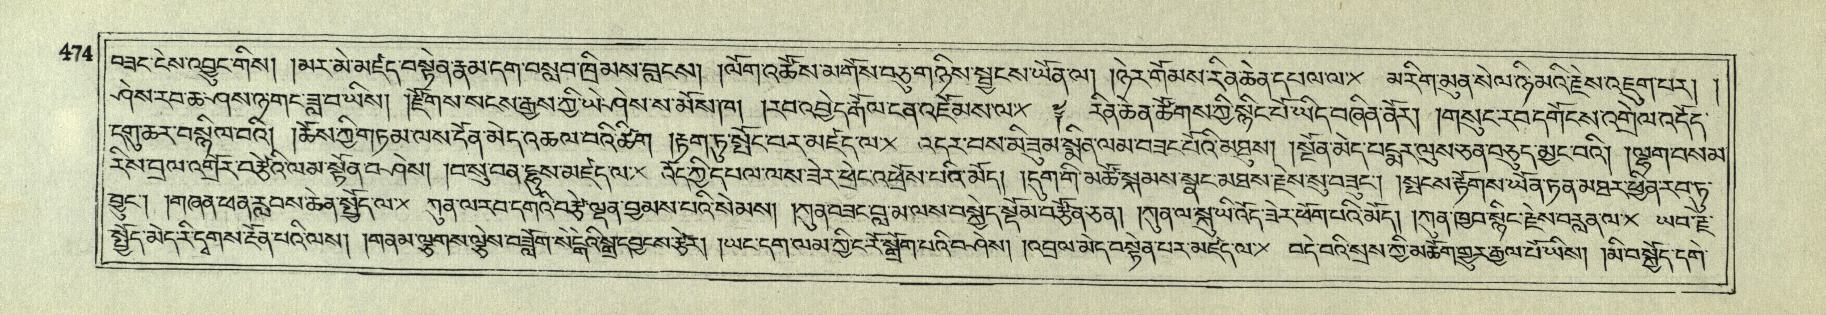བཟང་ངེས་འབྱུང་གིས། །མར་མེ་མཛད་བསྟེན་རྣམ་དག་བསླབ་ཁྲིམས་བླངས། །ལོག་འཚོས་མ་གོས་བཅུ་གཉིས་སྦྱང་ཡོན་ལ། །ཉེར་གོམས་རིན་ཆེན་དཔལ་ལ་྾་མ་རིག་མུན་སེལ་ཉེ་མའི་རྗེས་འཇུག་པར། །
ཤེས་རབ་ཆ་ཤས་ཉ་གང་ཟླ་བ་ཡིས། །རྫོགས་སངས་རྒྱས་ཀྱི་ཡེ་ཤེས་ས་མོས་ཁ། །རབ་འབྱེད་རྒོལ་ངན་འཇོམས་ལ་྾་འ་རིན་ཆེན་ཚོགས་ཀྱི་སྙིང་པོ་ཡིད་བཞིན་ནོར། །གསུང་རབ་དགོངས་འགྲེལ་འདོད་
དགུ་ཆར་བསྙིལ་བའི། །ཆོས་ཀྱི་གཏམ་ལས་དོན་མེད་འཆལ་བའི་ཚིག །རྟག་ཏུ་སྤོང་བར་མཛད་ལ་྾་འདར་བས་མི་ཟུམ་སྨིན་ལམ་བཟང་པོའི་མཐུས། །སྔོན་མེད་པདམར་ལུས་ཅན་བཅུད་མྱང་བའི། །ལྷག་བསམ་
རིས་བྲལ་འགྲོར་བརྩེའི་ལམ་སྟོན་བཤེས། །བ་སུ་བན་དྷུས་མཛད་ལ་྾་འོད་ཀྱི་དཔལ་ལས་ཟེར་ཕྲེང་འཕྲོས་པའི་མོད། །དུག་གི་མཚོ་སྐབས་སྣང་མཐས་རྗེས་སུ་བཟུང་། །སྤངས་རྟོགས་ཡོན་ཏན་མཐར་ཕྱིན་རབ་ཏུ་
བྱུང་། །གཞན་ཕན་རླབས་ཆེན་སྤྱོད་ལ་྾་ཀུན་ལ་རབ་དགའི་བརྩེ་ལྡན་བྱམས་པའི་སེམས། །ཀུན་བཟང་བླ་མ་ལས་བསྐྱེད་སྡོམ་བརྩོན་ཅན། །ཀུན་ལ་སྐུ་ཡི་འོད་ཟེར་ཕོག་པའི་མོད། །ཀུན་ཁྱབ་སྙིང་རྗེས་བརླན་ལ་྾་ཡབ་རྗེ་
སྤྱོད་མེད་རི་དྭགས་རྔོན་པའི་ལས། །གནམ་ལྕགས་ལྕེས་བཟློག་སེངྒེའི་སྒྲ་དབྱངས་རྩེར། །ཡང་དག་ལམ་ཀྱི་ང་རོ་སྒྲོག་པའི་བཤེས། །འབྲལ་མེད་བསྟེན་པར་མཛད་ལ་྾་བདེ་བའི་སྲས་ཀྱི་མཆོག་གྱུར་རྒྱལ་པོ་ཡིས། །མི་བསྐྱོད་དགེ་